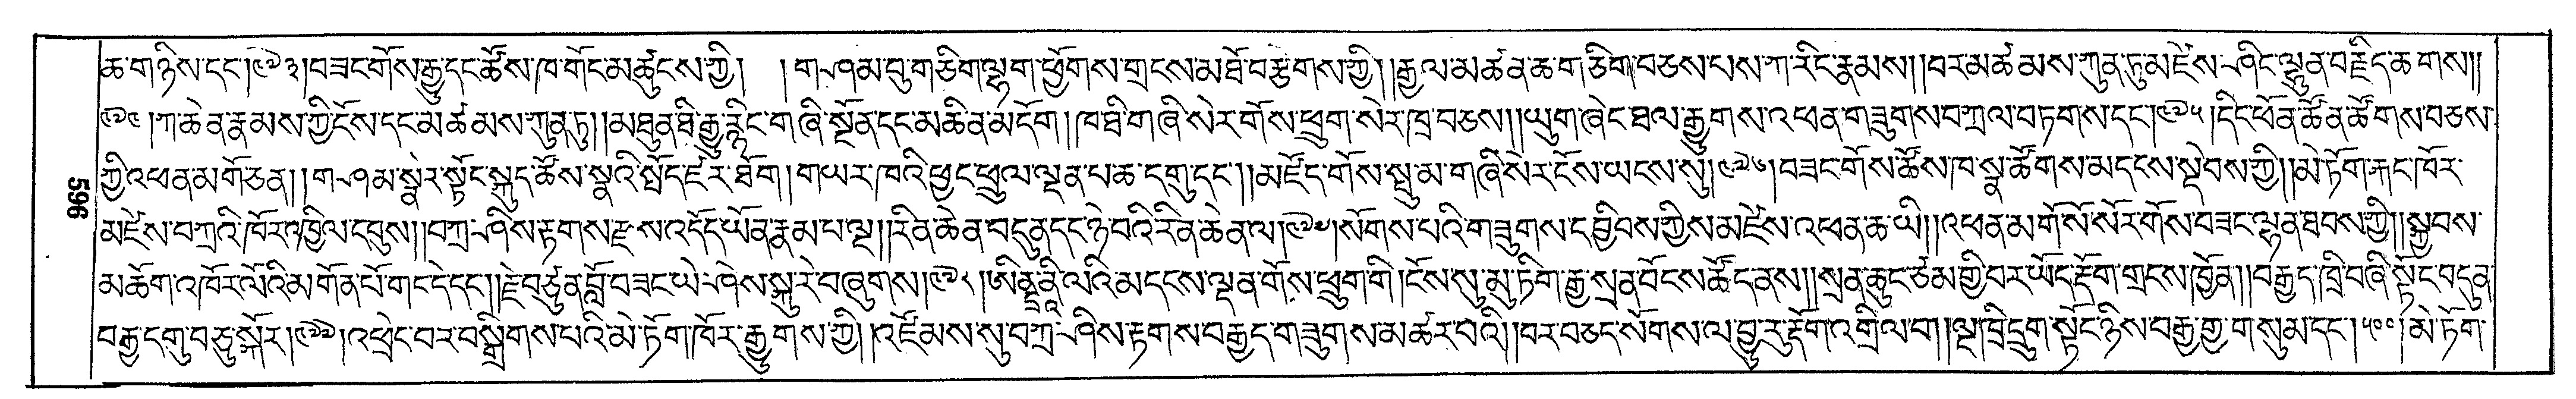ཆ་གཉིས་དང་། ༤༧༣་།བཟང་གོས་རྒྱུ་དང་ཚོས་ཁ་གོང་མཚུངས་ཀྱི། །གཤམ་བུ་གཅིག་ལྷག་ཕྱོགས་གྲངས་མཐོ་བརྩེགས་ཀྱི། །རྒྱལ་མཚན་ཆ་གཅིག་བཅས་པས་ཀ་རིང་རྣམས། །བར་མཚམས་ཀུན་ཏུ་མཛེས་ཤིང་ལྷུན་བརྗིད་ཆགས།
༤༧༤་།ཀ་ཆེན་རྣམས་ཀྱི་ངོས་དང་མཚམས་ཀུན་ཏུ། །མཐུན་ཐི་རྒྱུ་རྙིང་གཞི་སྔོན་དང་མཆིན་མདོག །ཁ་ཐི་གཞི་སེར་གོས་ཕྲུག་སེར་ཁྲ་བཅས། །ཡུག་ཞེང་ཐལ་རྒྱུགས་འཕན་གཟུགས་བཀྲལ་བཏགས་དང་། ༤༧༡་།དིང་ཕོན་ཚོན་ཚོགས་བཅས་
ཀྱི་འཕན་མགོ་ཅན། །གཤམ་སྣེར་སྟོང་སྐུད་ཚོས་སྣའི་སྦོད་ཛར་ཐོག །གཡེར་ཁའི་ཕྱང་ཕྲུལ་ལྡན་པ་ཆ་དགུ་དང་། །མཛོད་གོས་སྤུ་མ་གཞི་སེར་ངོས་ཡངས་སུ། ༤༧༦་།བཟང་གོས་ཚོས་ཁ་སྣ་ཚོགས་མདངས་སྡེབས་ཀྱི། །མེ་ཏོག་རྐང་ཁོར་
མཛེས་བཀྲའི་ཁོར་འཁྱིལ་དཔུས། །བཀྲ་ཤིས་རྟགས་རྫས་འདོད་ཡོན་རྣམ་པ་ལྔ། །རིན་ཆེན་བདུན་དང་ཉེ་བའི་རིན་ཆེན་ལ། ༤༧༧་།སོགས་པའི་གཟུགས་དབྱིབས་ཀྱིས་མཛེས་འཕན་ཆ་ཡི། །འཕན་མགོ་སོ་སོར་གོས་བཟང་ལྷན་ཐབས་ཀྱི། །སྐྱབས་
མཆོག་འཁོར་ལོའི་མགོན་པོ་གང་དེ་དང་། །རྗེ་བཙུན་བློ་བཟང་ཡེ་ཤེས་སྐུ་རེ་བཞུགས། ༤༧༨་།ཨིནྡྲ་ནཱི་ལའི་མདངས་ལྡན་གོས་ཕྲུག་གི །ངོས་སུ་མུ་ཏིག་རྒྱ་སྲན་བོངས་ཚོད་ནས། །སྲན་ཆུང་ཙམ་གྱི་བར་ཡོད་རྡོག་གྲངས་ཁྱོན། །བརྒྱད་ཁྲི་བཞི་སྟོང་བདུན་
བརྒྱ་དགུ་བཅུ་སྐོར། ༤༧༧་།འཕྲེང་བར་བསྒྲིགས་པའི་མེ་ཏོག་ཁོར་རྒྱུགས་ཀྱི། །འཛོམས་སུ་བཀྲ་ཤིས་རྟགས་བརྒྱད་གཟུགས་མཚར་བའི། །བར་བཅད་སོགས་ལ་བྱུ་རུ་རྡོག་འགྲིལ་བ། །ལྔ་ཁྲི་དྲུག་སྟོང་ཉིས་བརྒྱ་གྱ་གསུམ་དང་། ༥༠༠་།མེ་ཏོག་